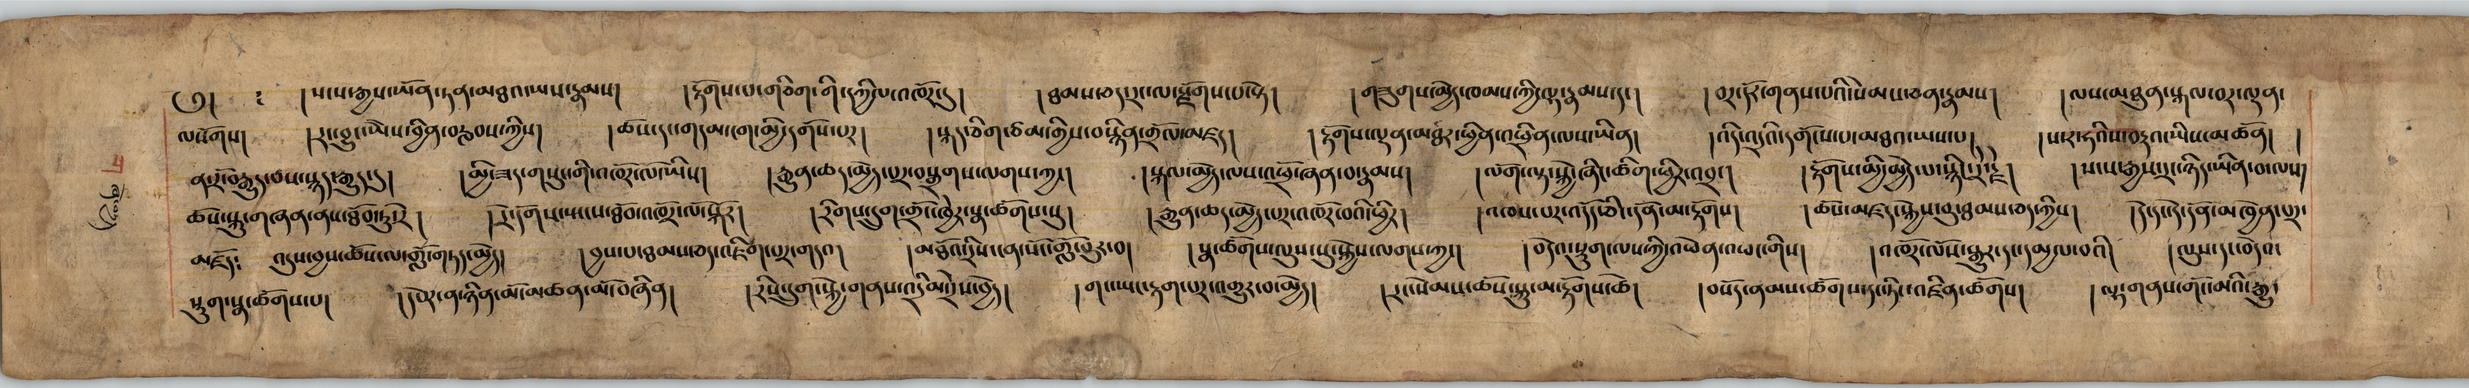༅། །སངས་རྒྱས་ཡོན་ཏན་མཐའ་ཡས་རྣམས། །རྟོགས་པ་གཅིག་གི་དཀྱིལ་འཁོར་དུ། །ཐམས་ཅད་རང་ལ་སྫོགས་པ་སྟེ། །གཟུགས་མྱེད་ཁམས་ཀྱི་ལྷ་རྣམས་དང། །བར་དོར་གནས་པའི་སེམས་ཅན་རྣམས། །ལས་མཐུན་སྐལ་བར་ལྡན་
ལསོགས། །རང་བྱུང་ཡཻས་བྱིན་བརླབས་ཀྱིས། །ཆོས་དང་གདམ་ངག་མྱི་དགོས་པར། །སྐད་ཅིག་ཙམ་གྱིས་བསྙིན་གྲོལ་མཛད། །རྟོགས་ལྡན་མཐར་ཕྱིན་འཕྲིན་ལས་ཡིན། །འདི་འདྲའི་དགོངས་པ་མཐའ་ཡས་པ། །ས་ར་ཧའིས་བརྡའ་ཡིས་མཚོན། །
ན་རོ་བརྒྱུད་བས་སྙད་རྒྱུད་དུ། །མྱི་ཟད་གསུང་གི་འཁོར་ལོ་ཡིས། །རྒྱུན་ཆད་མྱེད་པར་བསྒྲགས་ལགས་ཀྱང། །སྐལ་མྱེད་ལས་འཕྲོ་ཞན་བ་རྣམས། །ལོག་ལྟ་སྐྱེ་ཞིང་ཚིག་ཕྱིར་འབྲང། །རྟོགས་མྱི་མྱེད་པ་སྙིང་རེ་རྗེ། །སངས་རྒྱས་རང་ཉིད་ཡིན་བ་ལས།
ཆོས་སྐུ་གཞན་ནས་ཐོབ་ཏུ་རེ། །རེ་དོགས་སྤངས་ཐོབ་འཁོར་ལོ་སྐོར། །རིགས་དྲུག་གྲོང་ཁྱེར་སྣ་ཚོགས་སུ། །རྒྱུན་ཆད་མྱེད་པར་འཁོར་བའི་ཕྱིར། །འཁས་པར་འདོད་ཅིང་དོན་མ་རྟོགས། །ཆོས་མཛད་སྐྱེས་བུ་ཐམས་ཅད་ཀྱིས། །དེ་དང་དོན་མཁྱེན་པར་
མཛོད༴ འདུས་བྱས་ཆོས་ལ་གློ་གཏད་མྱེད། །བྱས་པ་ཐམས་ཅད་འཇིག་པར་གདའ། །མཐོའ་རིས་ངན་སོང་གློ་བུར་བ། །སྣ་ཚོགས་ལུས་སུ་སྐྱེས་ལགས་ཀྱང། །བདེའ་སྡུག་ལས་ཀྱི་འཕེན་འཕང་གིས། །འཁོར་ལོས་སྒྱར་དང་དམྱལ་བའི། །ལུས་དང་བདེའ་
སྡུག་སྣ་ཚོགས་པ། །དཔེར་ན་ཉིན་མོ་མཚན་བཞིན། །རིས་དྲུག་སྐྱེ་གནས་འདྲིམ་དྲེས་བྱེད། །གང་ཡང་རྟག་པར་འགྱུར་བ་མྱེད། །རང་སེམས་ཆོས་སྐུ་མ་རྟོགས་ཚེ། །བསོད་ནམས་ཚོགས་དང་ཏིང་འཛིན་ཚོགས། །ལྷ་གནས་གོང་མའི་རྒྱུ་